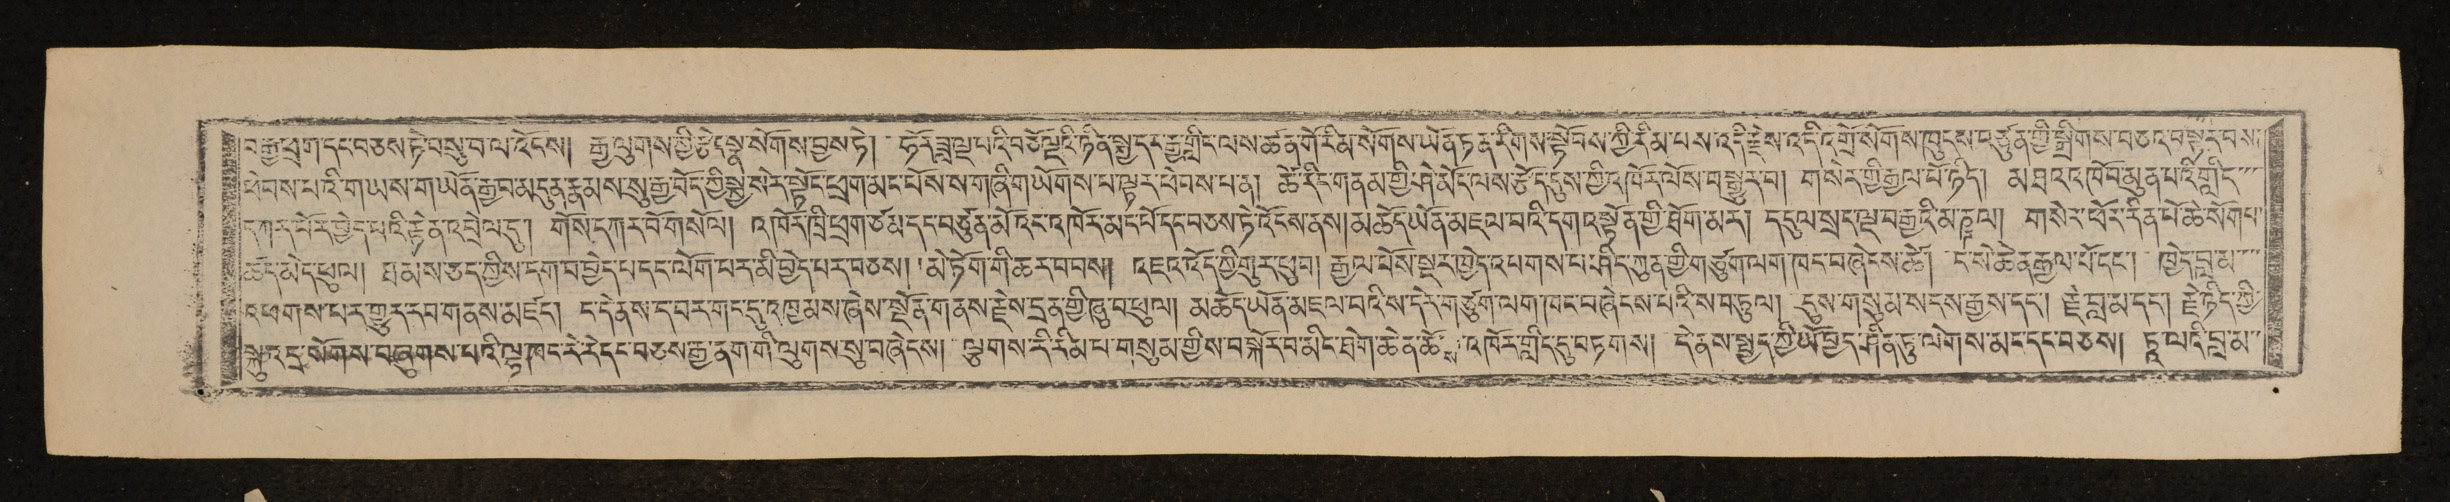བརྒྱ་ཕྲག་དང་བཅས་ཏེ་བསུ་བ་ལ་འོངས། རྒྱ་ལུགས་ཀྱི་རྩེད་སྣ་སོགས་བྱས་ཏེ། ཧོར་ཟླ་ལྔ་པའི་བཅོ་ལྔའི་ཉིན་སྐྱ་དར་རྒྱ་གླིང་ལས་ཚན་གོ་རིམ་སོགས་ཡོན་ཏན་རིགས་སྟོབས་ཀྱི་རིམ་པས་འདི་རྗེས་འདི་འགྲོ་སོགས་ཁུངས་བཙུན་གྱི་སྒྲིགས་བཅའ་བསྟར་བས་
ཕེབས་པའི་གཡས་གཡོན་རྒྱབ་མདུན་རྣམས་སུ་རྒྱ་བོད་ཀྱི་སྐྱ་སེར་སྟོང་ཕྲག་མང་པོས་ས་གཞི་གཡོགས་པ་ལྟར་ཕེབས་པ་ན། ཚེ་རིང་གནམ་གྱི་ཤེ་མོང་ལས་རྩོད་དུས་ཀྱི་འཁོར་ལོས་བསྒྱུར་བ། གསེར་གྱི་རྒྱལ་པོ་ཉིད། མཐའ་འཁོབ་མུན་པའི་གླིང་
དཀར་པོར་བྱེད་པའི་རྟེན་འབྲེལ་དུ། གོས་དཀར་པོ་གསོལ། འཁོར་ཁྲི་ཕྲག་ཙམ་དང་བཙུན་མོའང་འཁོར་མང་པོ་དང་བཅས་ཏེ་འོངས་ནས། མཆོད་ཡོན་མཇལ་བའི་དགའ་སྟོན་གྱི་ཐོག་མར། དངུལ་སྲང་ལྔ་བརྒྱའི་མཎྜལ། གསེར་ཕོར་རིན་པོ་ཆེ་སོགས་
ཚད་མེད་ཕུལ། ཐམས་ཅད་ཀྱིས་དགེ་བ་བྱེད་པ་དང་ལོག་པར་མི་བྱེད་པར་བཅས། མེ་ཏོག་གི་ཆར་བབས། འཇའ་འོད་ཀྱི་གུར་ཕུབ། རྒྱལ་པོས་སྔར་ཁྱེད་འཕགས་པ་ཤིང་ཀུན་གྱི་གཙུག་ལག་ཁང་བཞེངས་ཚེ། ང་སེ་ཆེན་རྒྱལ་པོ་དང་། ཁྱེད་བླ་མ་
འཕགས་པར་གྱུར་རབ་གནས་མཛད། ང་དེ་ནས་ད་བར་གང་དུ་འཁྱམས་ཞེས་སྔོན་གནས་རྗེས་དྲན་གྱི་ཞུ་བ་ཕུལ། མཆོད་ཡོན་མཇལ་བའི་ས་དེར་གཙུག་ལག་ཁང་བཞེངས་པའི་ས་བཏུལ། དུས་གསུམ་སངས་རྒྱས་དང་། རྗེ་བླ་མ་དང་། རྗེ་ཉིད་ཀྱི་
སྐུ་འདྲ་སོགས་བཞུགས་པའི་ལྷ་ཁང་རེ་རེ་དང་བཅས་རྒྱ་ནག་གི་ལུགས་སུ་བཞེངས། ལྕགས་རི་རིམ་པ་གསུམ་གྱིས་བསྐོར་བ་མིང་ཐེག་ཆེན་ཆོས་འཁོར་གླིང་དུ་བཏགས། དེ་ནས་སྤྱད་ཀྱི་ཡོ་བྱད་ཤིན་ཏུ་ལེགས་མང་དང་བཅས། ཏཱ་ལའི་བླ་མ་